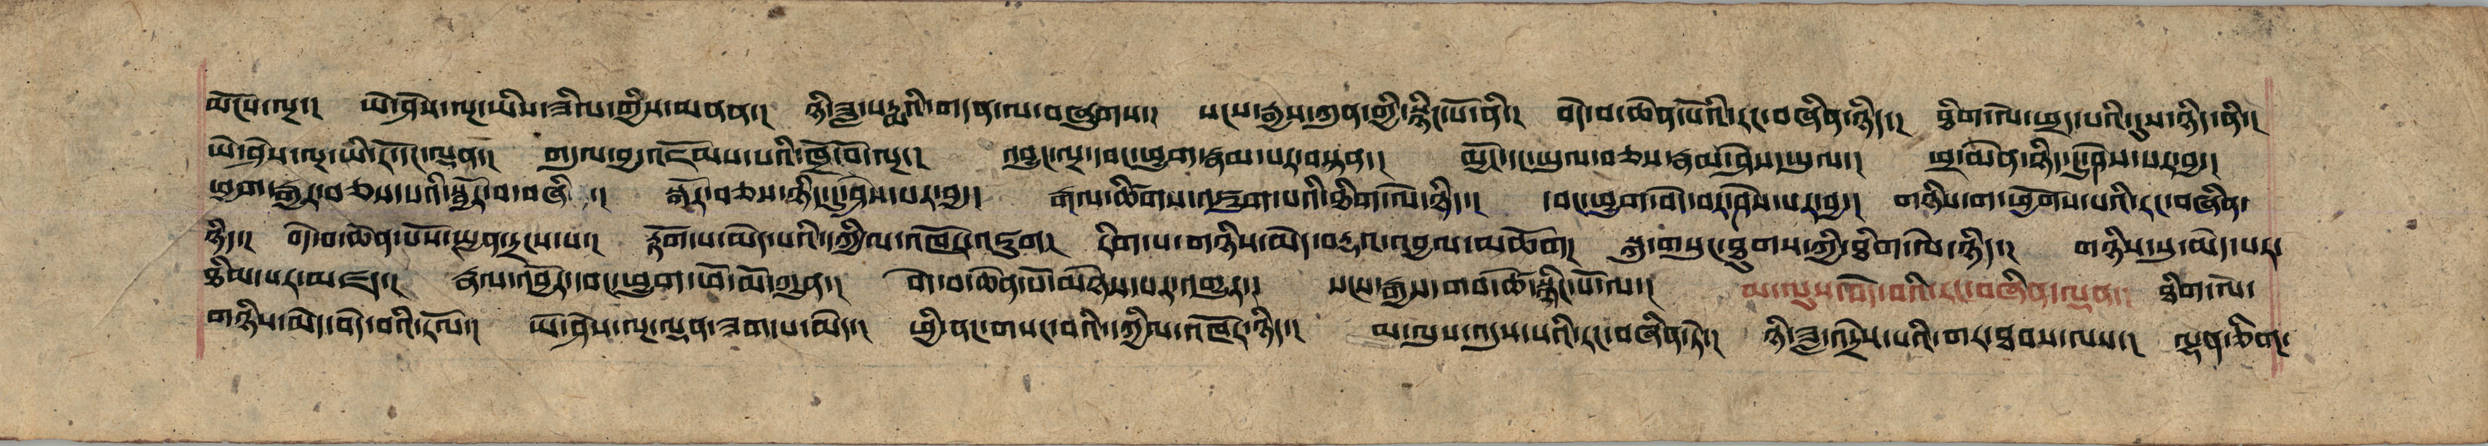མོངས་ལྔ་། ཡེ་ཤེས་ལྔ་ཡིས་ཟིལ་གྱིས་མནན་། ཉི་ཟླ་པདྨའི་གདན་ལ་བཞུགས་། སངས་རྒྱས་ཀུན་གྱི་སྙིང་པོ་ནི་། བདེ་བ་ཆེན་པོའི་རང་བཞིན་ཉིད་། ཐིག་ལེ་ཕྲད་པའི་དུས་ཉིད་ནི་།
ཡེ་ཤེས་ལྔ་ཡི་རོ་དང་ལྡན་། གདུལ་བྱ་འཇོམས་པའི་ཁྲོ་བོ་ལྔ་། འབྱུང་ལྔ་དབང་ཕྱུག་རྣམ་པར་བསྟན་། མྱོང་དང་ཡུལ་བཅས་རྣམ་ཤེས་ཡུལ་། ཕྲ་མེན་ཉིད་དུ་ཤེས་པར་བྱ་།
ཕྱག་རྒྱར་བཅས་པའི་སྦྱོར་བ་བཞི ་། སྒོར་བཅས་ཉིད་དུ་ཤེས་པར་བྱ་། རྒལ་ཚིགས་འཇུག་པའི་ཐིག་ལེ་ཉིད་། དབང་ཕྱུག་བདེ་བར་ཤེས་པར་བྱ་། གཉིས་ག་ཕྱོགས་པའི་རང་བཞིན་
ཉིད་། བདེ་བ་ཆེན་པོས་སྤྱན་དྲངས་པ་། རྟོག་པ་མེད་པའི་དཀྱིལ་འཁོར་འཇུག། རིག་པ་གཉིས་མེད་བརྡའ་འབྱལ་མཆོག། སྐུ་གསུང་ཐུགས་ཀྱི་ཐིག་ལེ་ཉིད་། གཉིས་སུ་མེད་པར་
ཐིམ་པར་མཛད་། རྣལ་འབྱོར་དབང་ཕྱུག་ཕོ་མོ་ཀུན་། བདེ་བ་ཆེན་པོ་མཉེས་པར་འགྱུར་། སངས་རྒྱས་གབ་ཚེ་སྙིང་པོ་ལ་། མ་ལུས་བདེ་བའི་རང་བཞིན་ལྡན་། ཐིག་ལེ་
གཉིས་མེད་བདེ་བའི་རོལ་། ཡེ་ཤེས་ལྔ་ལྡན་ཟག་པ་མེད་། ཕྱི་ནང་གསང་བའི་དཀྱིལ་འཁོར་ཉིད་། མ་ལུས་འདུས་པའི་རང་བཞིན་ཏེ་། ཉི་ཟླ་འདྲེས་པའི་གར་ཐབས་ལས་། ལྷན་ཅིག་